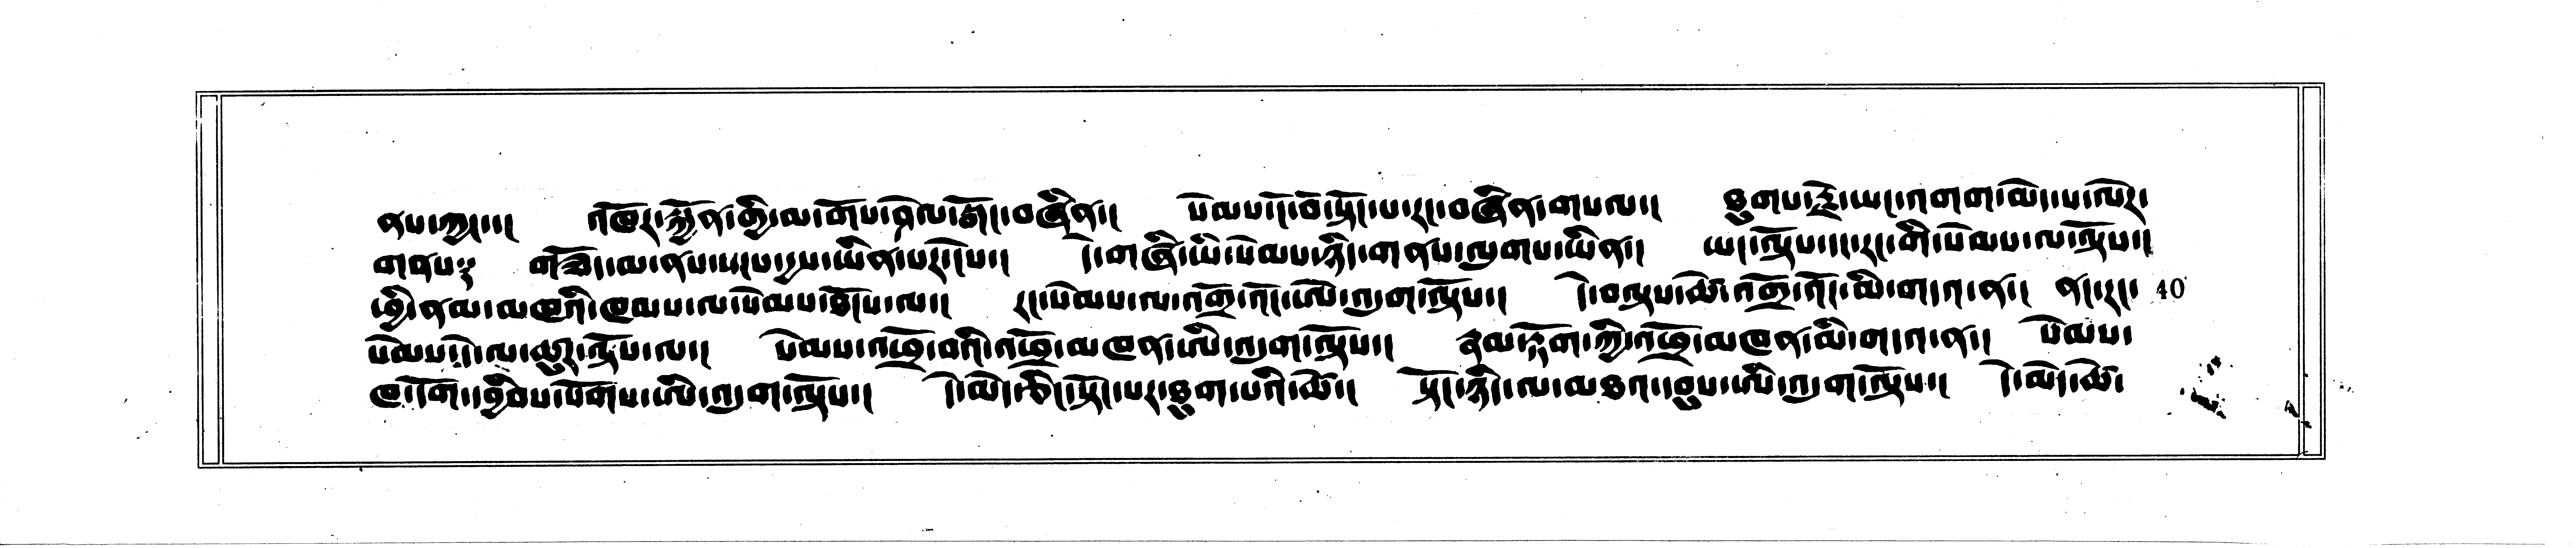ནས་ཀྱང་། །འཁོར་སྐྱོན་གྱིས་མ་གོས་ཤེལ་སྒོང་བཞིན། །སེམས་ངོ་བོ་སྟོང་པ་རང་བཞིན་གསལ། །ཐུགས་རྗེ་ཡང་འགག་མེད་པ་ལེགས་
གནས། །གཟོད་མ་ནས་སངས་རྒྱས་ཡིན་པར་ངེས། །དེ་གཞི་ཡི་སེམས་ཉིད་གནས་ལུགས་ཡིན། །ཡང་ལྟོས་དང་རང་གི་སེམས་ལ་ལྟོས། །
ཕྱི་ནམ་མཁའི་ཁམས་ལ་སེམས་ཐོངས་ལ། །རང་སེམས་ལ་འགྲོ་འོང་ཨེ་འདུག་ལྟོས། །དེ་བལྟས་ཚེ་འགྲོ་འོང་མི་གདའ་ན། །སེམས་
ཁ་དོག་དབྱིབས་སོགས་ཨེ་འདུག་ལྟོས། །དེ་མེད་ཅིང་སྟོང་པར་ཐུག་པའི་ཚེ། །སྟོང་ཉིད་ལ་མཐའ་དབུས་ཨེ་འདུག་ལྟོས། །དེ་མེད་ཚེ་